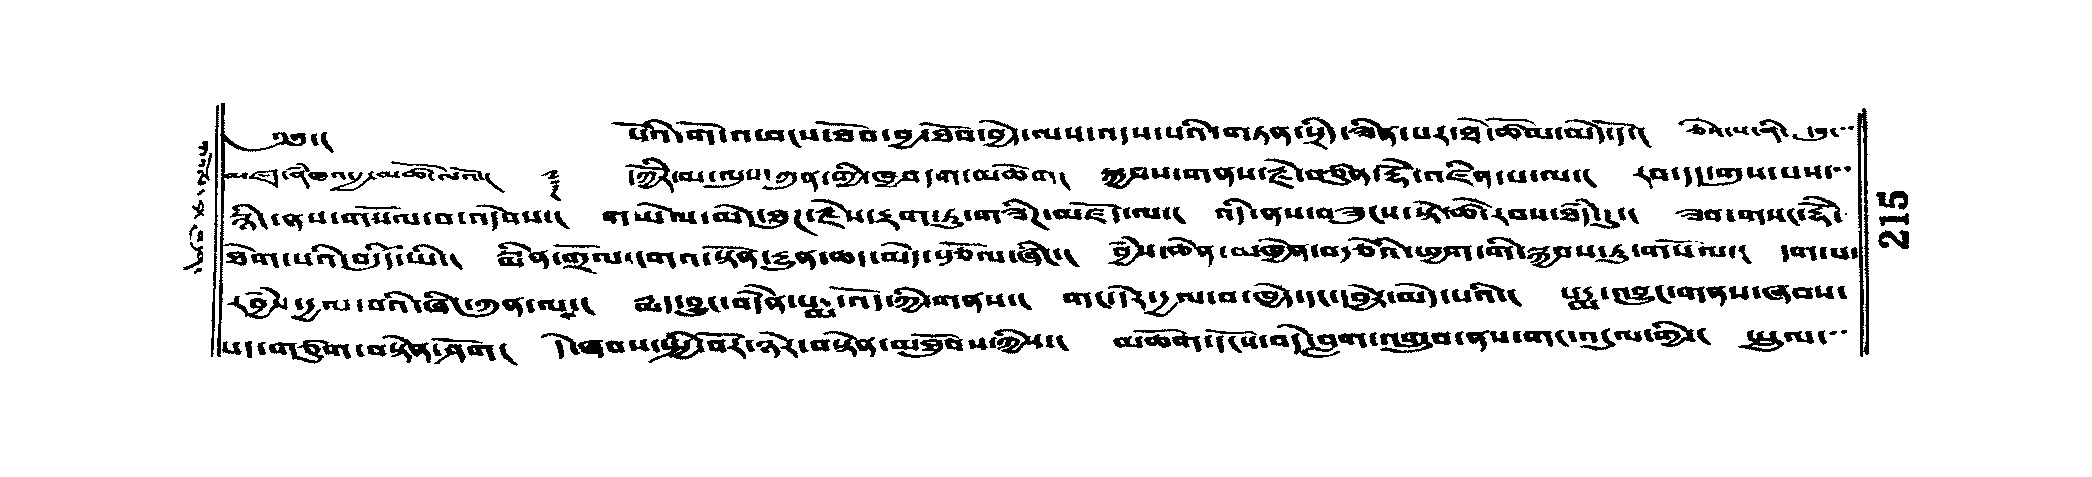པོའི་གོ་འཕང་ཐོབ་བྱ་ཐོབ་བྱེད་ལས་འདས་པའི་གཏན་སྲིད་ཟིན་པར་ཐེ་ཚོམ་མེད་དོ། ཅེས་པ་ནི་དབུ་
མཛད་ནམ་མཁའ་རྒྱ་མཚོ་ལའོ།། ༈ དཀྱིལ་འཁོར་མ་ལུས་ཀུན་གྱི་ཁྱབ་བདག་མཆོག །སྐྱབས་གནས་རྗེ་བཙུན་རྡོ་རྗེ་འཛིན་པ་ལ། །རབ་དད་གུས་པས་
སྙིང་ནས་གསོལ་བ་འདེབས། །གཡེལ་མེད་ཐུགས་རྗེས་རྟག་ཏུ་གཟིགས་མཛོད་ལ། །འདི་ནས་བཟུང་སྟེ་ཚེ་རབས་ཐམས་ཅད་དུ། །ཟབ་གསང་རྡོ་རྗེ་
ཐེག་པའི་བདུད་རྩི་ཡི། །སྨིན་གྲོལ་དགའ་སྟོན་རྒྱུན་ཆད་མེད་སྩོལ་ཞིང་། །བྱམས་ཆེན་མཁྱེན་བརྩེའི་ཕྱག་གི་བསྐྱབ་ཏུ་གསོལ། །དག་པ་
རབ་འབྱམས་རྒྱལ་བའི་ཞིང་ཀུན་ལས། །རྨད་བྱུང་བདེ་ཆེན་པདྨ་འོད་ཀྱི་གནས། །གང་དེར་རྒྱལ་བ་ཁྱེད་དང་དབྱེར་མེད་པའི། །པདྨ་འབྱུང་གནས་ཞབས་
པད་གཙུག་བསྟེན་ཤོག །དེ་ཞབས་སྤྱི་བོར་ཉེར་བསྟེན་མཐུ་སྟོབས་ཀྱིས། །མཆོག་དངོས་བདེ་བླག་འགྲུབ་ནས་གང་འདུལ་གྱི། །སྤྲུལ་